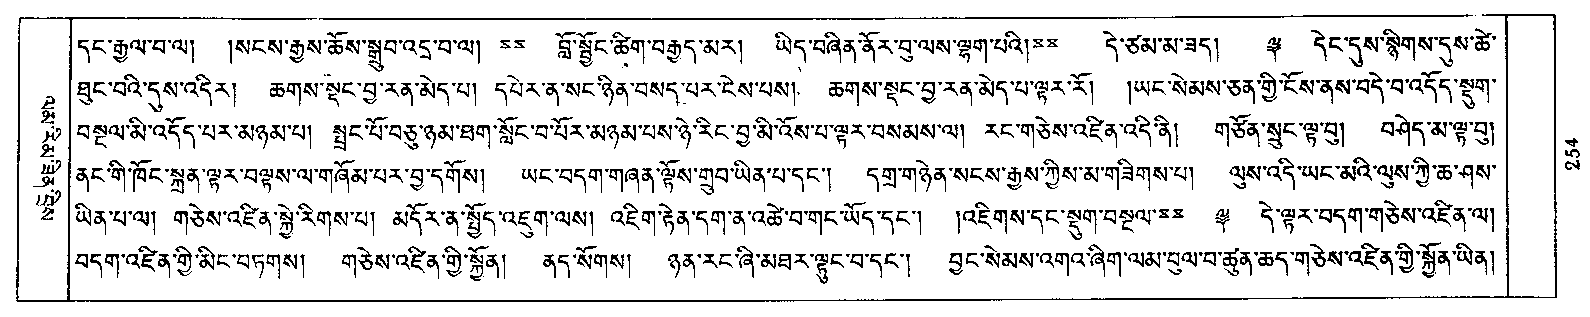དང་རྒྱལ་བ་ལ། །སངས་རྒྱས་ཆོས་སྒྲུབ་འདྲ་བ་ལ། ྾་྾་བློ་སྦྱོང་ཚིག་བརྒྱད་མར། ཡིད་བཞིན་ནོར་བུ་ལས་ལྷག་པའི། ྾་྾་དེ་ཙམ་མ་ཟད། ༈ དེང་དུས་སྙིགས་དུས་ཚེ་
ཐུང་བའི་དུས་འདིར། ཆགས་སྡང་བྱ་རན་མེད་པ། དཔེར་ན་སང་ཉིན་བསད་པར་ངེས་པས། ཆགས་སྡང་བྱ་རན་མེད་པ་ལྟར་རོ། །ཡང་སེམས་ཅན་གྱི་ངོས་ནས་བདེ་བ་འདོད་སྡུག་
བསྔལ་མི་འདོད་པར་མཉམ་པ། སྤྲང་པོ་བཅུ་ཉམ་ཐག་སློང་བ་པོར་མཉམ་པས་ཉེ་རིང་བྱ་མི་འོས་པ་ལྟར་བསམས་ལ། རང་གཅེས་འཛིན་འདི་ནི། གཙོན་སྲུང་ལྟ་བུ། བཤེད་མ་ལྟ་བུ།
ནང་གི་ཁོང་སྐྲན་ལྟར་བལྟས་ལ་གཞོམ་པར་བྱ་དགོས། ཡང་བདག་གཞན་ལྟོས་གྲུབ་ཡིན་པ་དང་། དགྲ་གཉེན་སངས་རྒྱས་ཀྱིས་མ་གཟིགས་པ། ལུས་འདི་ཡང་མའི་ལུས་ཀྱི་ཆ་ཤས་
ཡིན་པ་ལ། གཅེས་འཛིན་སྐྱེ་རིགས་པ། མདོར་ན་སྤྱོད་འཇུག་ལས། འཇིག་རྟེན་དག་ན་འཚེ་བ་གང་ཡོད་དང་། །འཇིགས་དང་སྡུག་བསྔལ་྾་྾་༈ དེ་ལྟར་བདག་གཅེས་འཛིན་ལ།
བདག་འཛིན་གྱི་མིང་བཏགས། གཅེས་འཛིན་གྱི་སྐྱོན། ནད་སོགས། ཉན་རང་ཞི་མཐར་ལྟུང་བ་དང་། བྱང་སེམས་འགའ་ཞིག་ལམ་བུལ་བ་ཚུན་ཆད་གཅེས་འཛིན་གྱི་སྐྱོན་ཡིན།